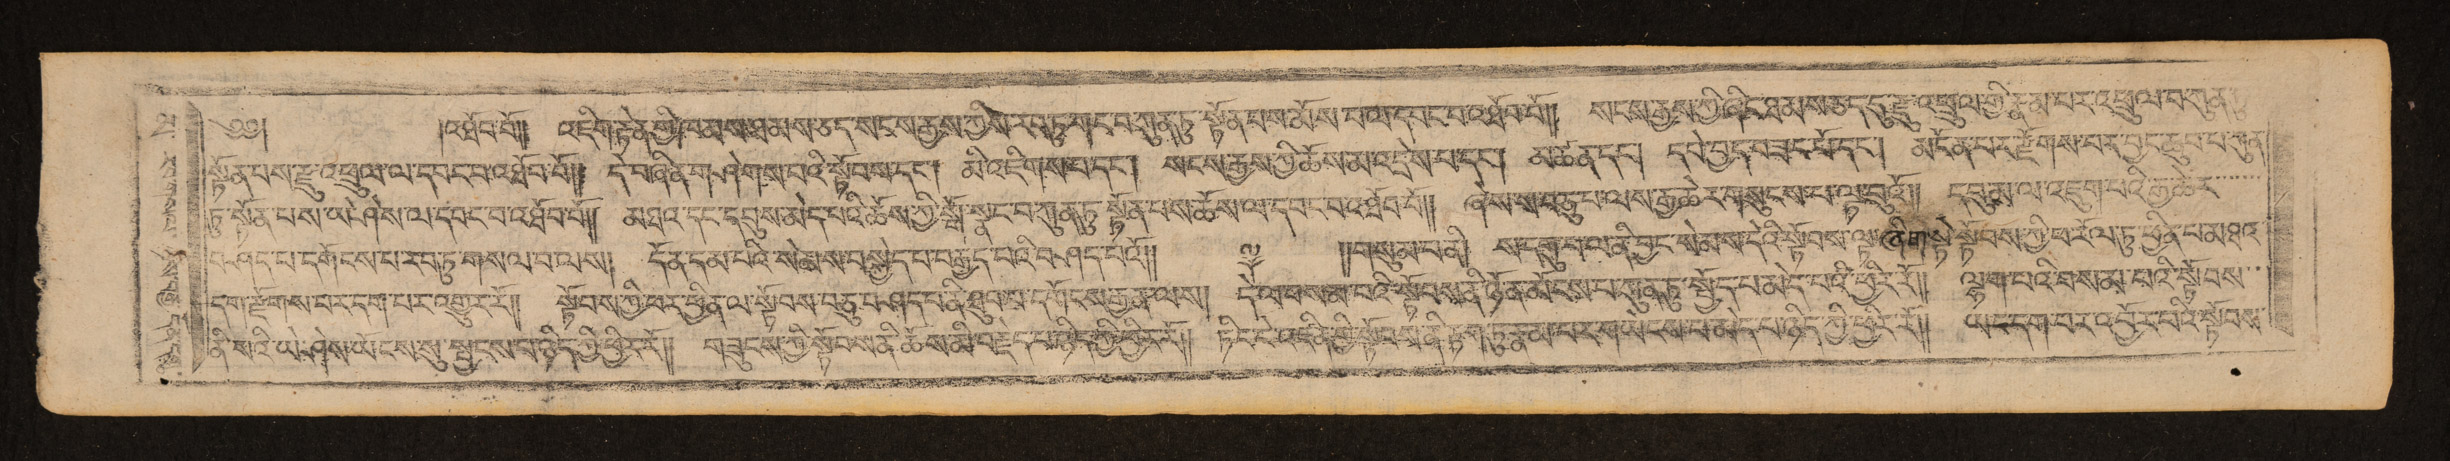༄༅། །འཐོབ་བོ།། འཇིག་རྟེན་གྱི་ཁམས་ཐམས་ཅད་སངས་རྒྱས་ཀྱིས་རབ་ཏུ་གང་བ་ཀུན་ཏུ་སྟོན་པས་མོས་པ་ལ་དབང་བ་འཐོབ་བོ།། སངས་རྒྱས་ཀྱི་ཞིང་ཐམས་ཅད་དུ་རྫུ་འཕྲུལ་གྱི་རྣམ་པར་འཕྲུལ་བ་ཀུན་ཏུ་
སྟོན་པས་རྫུ་འཕྲུལ་ལ་དབང་བ་འཐོབ་བོ།། དེ་བཞིན་གཤེགས་པའི་སྟོབས་དང་། མི་འཇིགས་པ་དང་། སངས་རྒྱས་ཀྱི་ཆོས་མ་འདྲེས་པ་དང་། མཚན་དང་། དཔེ་བྱད་བཟང་པོ་དང་། མངོན་པར་རྫོགས་པར་བྱང་ཆུབ་པ་ཀུན་
ཏུ་སྟོན་པས་ཡེ་ཤེས་ལ་དབང་བ་འཐོབ་བོ།། མཐའ་དང་དབུས་མེད་པའི་ཆོས་ཀྱི་སྒོ་སྣང་བ་ཀུན་ཏུ་སྟོན་པས་ཆོས་ལ་དབང་བ་འཐོབ་བོ།། ཞེས་ས་བཅུ་པ་ལས་རྒྱ་ཆེར་གསུངས་པ་ལྟ་བུའོ།། དབུ་མ་ལ་འཇུག་པའི་རྒྱ་ཆེར་
བཤད་པ་དགོངས་པ་རབ་ཏུ་གསལ་བ་ལས། དོན་དམ་པའི་སེམས་བསྐྱེད་པ་བརྒྱད་པའི་བཤད་པའོ།། ༈ །།གསུམ་པ་ནི། ས་དགུ་པ་ལ་ནི་བྱང་སེམས་དེའི་སྟོབས་ལྟ་ཞིག་སྟེ་སྟོབས་ཀྱི་ཕ་རོལ་ཕྱིན་པ་མཐའ་
དག་རྫོགས་པར་དག་པར་འགྱུར་རོ།། སྟོབས་ཀྱི་ཕར་ཕྱིན་ལ་སྟོབས་བཅུ་བཤད་པ་ནི་ཐུབ་པ་དགོངས་རྒྱན་ལས། དེ་ལ་བསམ་པའི་སྟོབས་ནི་ཉོན་མོངས་པ་ཀུན་ཏུ་སྤྱོད་པ་མེད་པའི་ཕྱིར་རོ།། ལྷག་པའི་བསམ་པའི་སྟོབས་
ནི་སའི་ཡེ་ཤེས་ཡོངས་སུ་སྦྱངས་པ་ཉིད་ཀྱི་ཕྱིར་རོ།། གཟུངས་ཀྱི་སྟོབས་ནི་ཆོས་མི་བརྗེད་པ་ཉིད་ཀྱི་ཕྱིར་རོ།། ཏིང་ངེ་འཛིན་གྱི་སྟོབས་ནི་རྟག་ཏུ་རྣམ་པར་གཡེངས་པ་མེད་པ་ཉིད་ཀྱི་ཕྱིར་རོ།། ཡང་དག་པར་འབྱོར་བའི་སྟོབས་